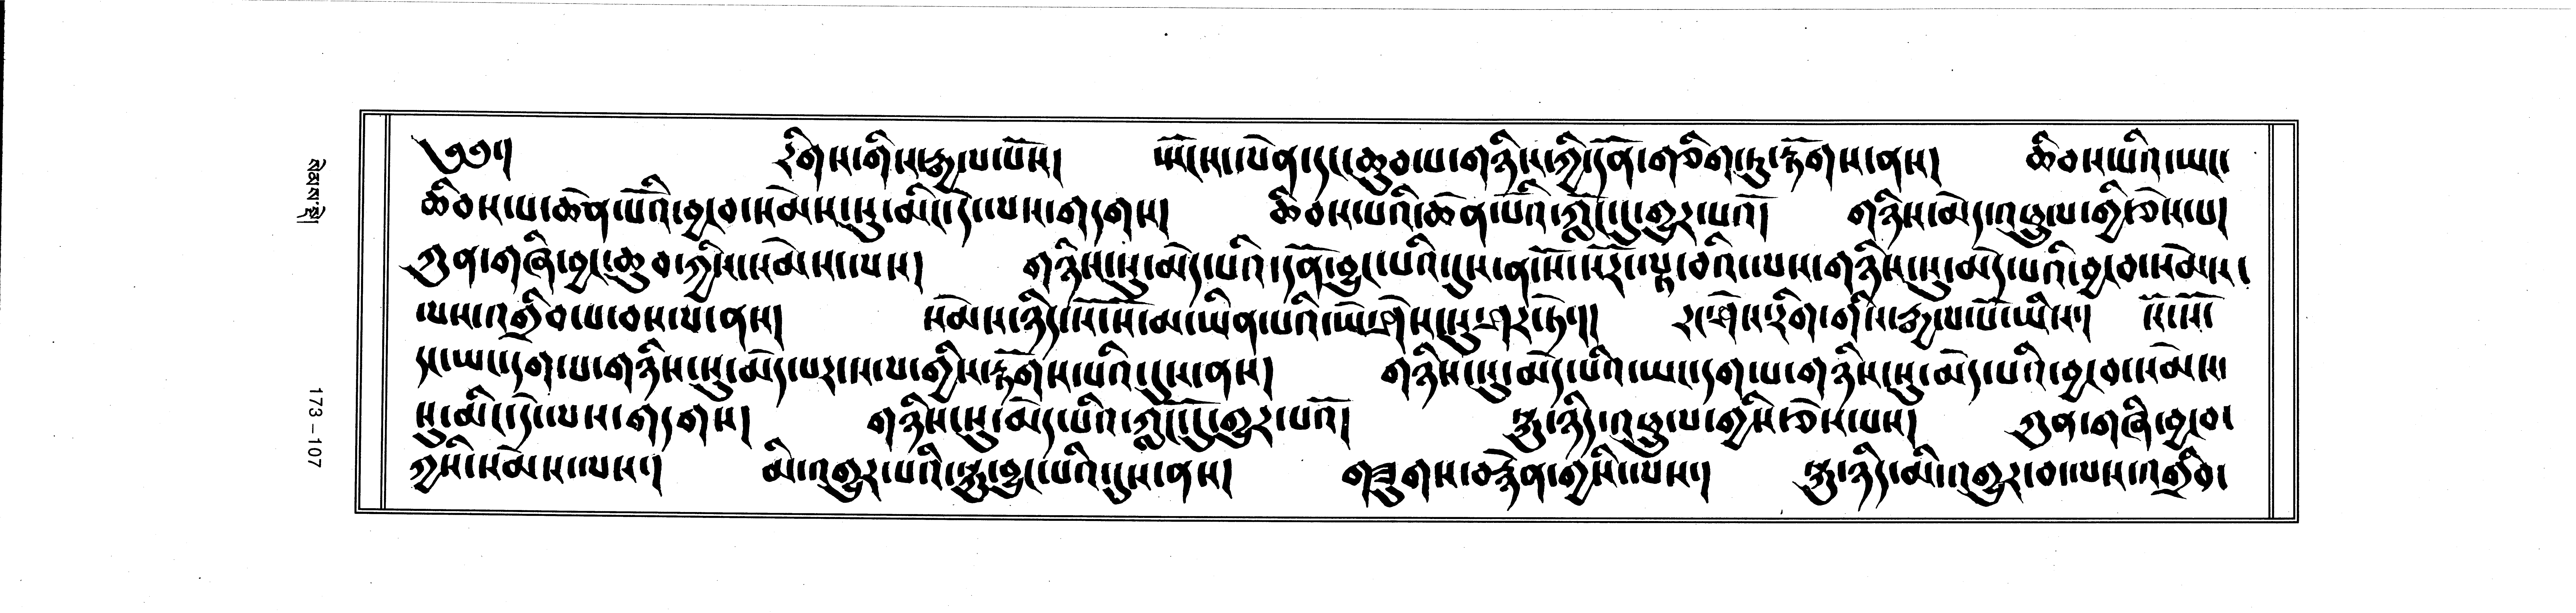རིག་གི་རྒྱལ་པོས་སྤོང་ལེན་དང་ཆུབ་པ་གཉིས་ཀྱི་དོན་གཅིག་ཏུ་རྟོགས་ནས། ཆིབས་པའི་ཡང་
ཆིབས་པ་ཆེན་པོའི་བྱང་ཆུབ་སེམས་སུ་ཡང་མིང་དེ་ལ་གདགས། ཆིབས་པ་ཆེན་པོའི་ཀློང་དུ་གྱུར་པའོ། །གཉིས་མེད་འཕྲུལ་གྱིས་ཅེས་པས། 
ཀུན་གཞི་བྱང་ཆུབ་ཀྱི་སེམས་ལས། གཉིས་སུ་མེད་པའི་དོན་བྱུང་བའི་དུས་ན། སོ་སོར་ལྟ་བའི་ལས་གཉིས་སུ་མེད་པའི་བྱང་ཆུབ་སེམས་
ལས་འགྲིབ་པ་བསལ་ནས། སེམས་ཉིད་སོ་སོ་མ་ཡིན་པའི་ཡེ་ཤེས་སུ་ཤར་ཏེ། རང་ཤེས་རིག་གི་རྒྱལ་པོ་ཡིས། སོ་སོ་
དང་ཡང་དག་པ་གཉིས་སུ་མེད་པར་སལ་གྱིས་རྟོགས་པའི་དུས་ན། གཉིས་སུ་མེད་པའི་ཡང་དག་པ་གཉིས་སུ་མེད་པའི་བྱང་ཆུབ་སེམས་
སུ་མིང་དེ་ལ་གདགས། གཉིས་སུ་མེད་པའི་ཀློང་དུ་གྱུར་པའོ། །སྐུ་ཉིད་འཕྲུལ་གྱིས་ཅེས་པས། ཀུན་གཞི་བྱང་ཆུབ་
ཀྱི་སེམས་ལས། མི་འགྱུར་བའི་སྐུ་བྱུང་བའི་དུས་ན། གཟུགས་བརྙན་གྱི་ལས་ཀྱིས་སྐུ་ཉིད་མི་འགྱུར་བ་ལས་འགྲིབ་